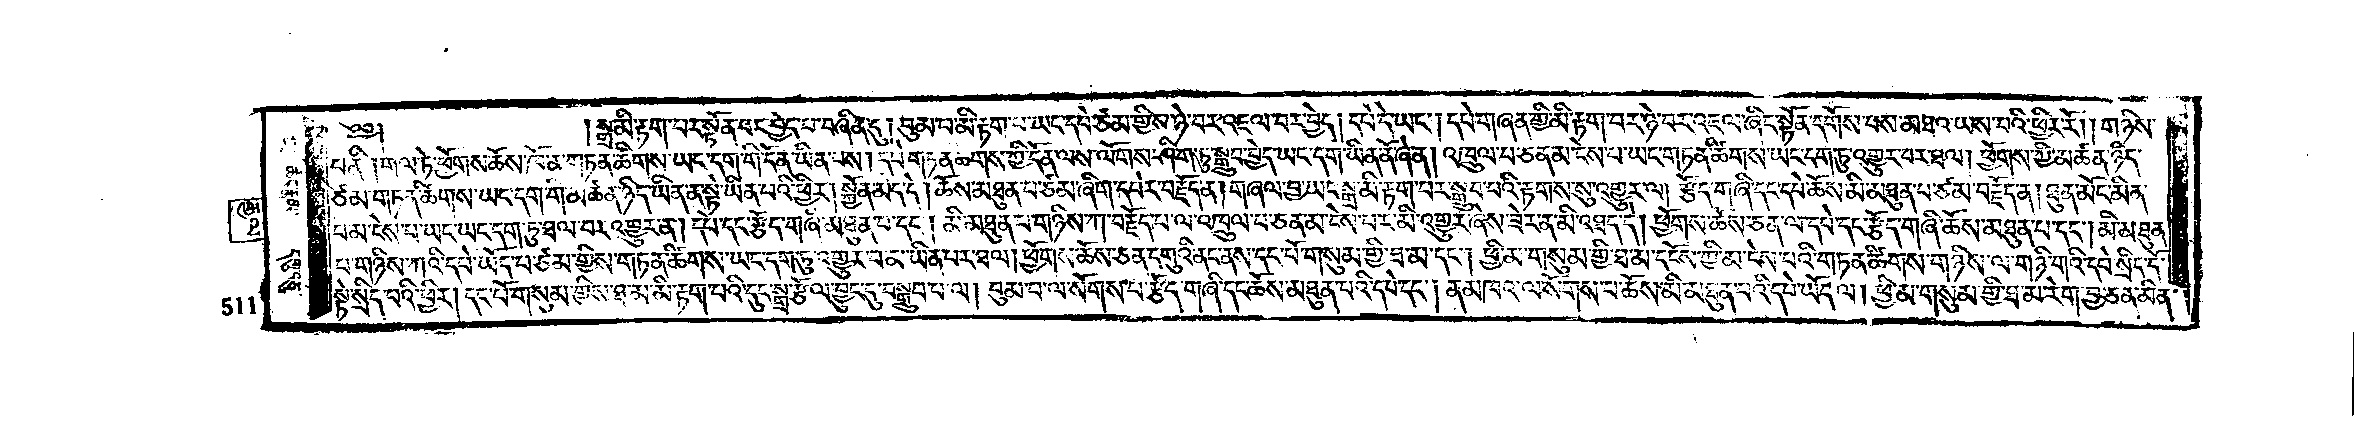༄༅། །སྒྲ་མི་རྟག་པར་སྟོན་པར་བྱེད་པ་བཞིན་དུ། བུམ་པ་མི་རྟག་པ་ཡང་དཔེ་ཙམ་གྱིས་ཉེ་བར་འཇལ་བར་བྱེད། དཔེ་དེ་ཡང་། དཔེ་གཞན་གྱི་མི་རྟག་པར་ཉེར་བར་འཇལ་ཞིང་སྟོན་དགོས་པས་མཐའ་ཡས་པའི་ཕྱིར་རོ། །གཉིས་
པ་ནི། གལ་ཏེ་ཕྱོགས་ཆོས་ཁོ་ན་གཏན་ཚིགས་ཡང་དག་གི་དོན་ཡིན་པས། དཔེ་གཏན་ཆགས་ཀྱི་དོན་ལས་ལོགས་ཤིག་ཏུ་སྒྲུབ་བྱེད་ཡང་དག་ཡིན་ནོ་ཞེ་ན། འཁྲུལ་པ་ཅན་མ་ངེས་པ་ཡང་གཏན་ཚིགས་ཡང་དག་ཏུ་འགྱུར་བར་ཐལ། ཕྱོགས་ཀྱི་མཚན་ཉིད་
ཙམ་གཏན་ཚིགས་ཡང་དག་གི་མཚན་ཉིད་ཡིན་ན་སྟེ་ཡིན་པའི་ཕྱིར། སྐྱོན་མེད་དེ། ཆོས་མཐུན་པ་ཙམ་ཞིག་དཔེར་བརྗོད་ན། གཞལ་བྱ་ཡང་སྒྲ་མི་རྟག་པར་སྒྲུབ་པའི་རྟགས་སུ་འགྱུར་ལ། རྩོད་གཞི་དང་དཔེ་ཆོས་མི་མཐུན་པ་ཙམ་བརྗོད་ན། ཐུན་མོང་མིན་
པ་མ་ངེས་པ་ཡང་ཡང་དག་ཏུ་ཐལ་བར་འགྱུར་ན། དཔེ་དང་རྩོད་གཞི་མཐུན་པ་དང་། མི་མཐུན་པ་གཉིས་ཀ་བརྗོད་པ་ལ་འཁྲུལ་པ་ཅན་མ་ངེས་པར་མི་འགྱུར་ཞེས་ཟེར་ན་མི་འཐད་དེ། ཕྱོགས་ཆོས་ཅན་ལ་དཔེ་དང་རྩོད་གཞི་ཆོས་མཐུན་པ་དང་། མི་མཐུན་
པ་གཉིས་ཀའི་དཔེ་ཡོད་པ་ཙམ་གྱིས་གཏན་ཚིགས་ཡང་དག་ཏུ་འགྱུར་བ་མ་ཡིན་པར་ཐལ། ཕྱོགས་ཆོས་ཅན་དགུའི་ནང་ནས་དང་པོ་གསུམ་གྱི་ཐ་མ་དང་། ཕྱི་མ་གསུམ་གྱི་ཐ་མ་དངོས་ཀྱི་མ་ངེས་པའི་གཏན་ཚིགས་གཉིས་ལ་གཉི་གའི་དཔེ་སྲིད་དོ་
སྟེ་སྲིད་པའི་ཕྱིར། དང་པོ་གསུམ་གྱིས་ཐ་མ་མི་རྟག་པའི་དུང་སྒྲ་རྩོལ་བྱུང་དུ་བསྒྲུབ་པ་ལ། བུམ་པ་ལ་སོགས་པ་རྩོད་གཞི་དང་ཆོས་མཐུན་པའི་དཔེ་དང་། ནམ་མཁའ་ལ་སོགས་པ་ཆོས་མི་མཐུན་པའི་དཔེ་ཡོད་ལ། ཕྱི་མ་གསུམ་གྱི་ཐ་མ་རེག་བྱ་ཅན་མིན་